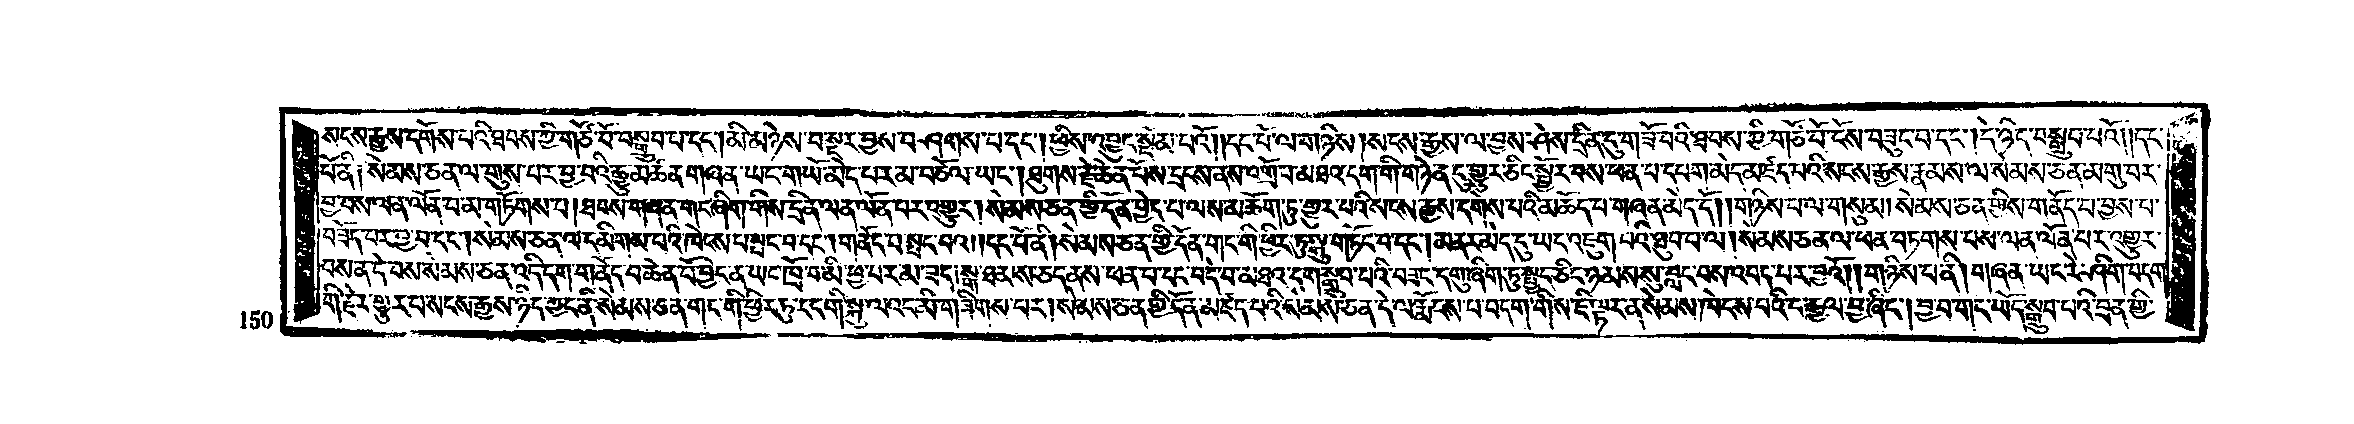སངས་རྒྱས་དགོས་པའི་ཐབས་ཀྱི་གཙོ་བོ་སྒྲུབ་པ་དང་། མི་མཉེས་པ་སྔར་བྱས་བཤགས་པ་དང་། ཕྱིས་འབྱུང་སྡོམ་པའོ། །དང་པོ་ལ་གཉིས། སངས་རྒྱས་ལ་བྱས་ཤེས་དྲིན་དུ་བཟོ་བའི་ཐབས་ཀྱི་གཙོ་བོ་ངོས་བཟུང་བ་དང་། དེ་ཉིད་བསྒྲུབ་པའོ། །དང་
པོ་ནི། སེམས་ཅན་ལ་གུས་པར་བྱ་བའི་རྒྱུ་མཚན་གཞན་ཡང་གཡོ་མེད་པར་མ་བཅོལ་ཡང་། ཐུགས་རྗེ་ཆེན་པོས་དྲངས་ནས་འགྲོ་བ་མཐའ་དག་གི་གཉེན་དུ་གྱུར་ཅིང་སྦྱོར་བས་ཕན་པ་དཔག་མེད་མཛད་པའི་སངས་རྒྱས་རྣམས་ལ་སེམས་ཅན་མགུ་བར་
བྱ་བས་ལན་ལོན་པ་མ་གཏོགས་པ། ཐབས་གཞན་གང་ཞིག་གིས་དྲིན་ལན་ལོན་པར་འགྱུར། སེམས་ཅན་གྱི་དོན་བྱེད་པ་ལས་མཆོག་ཏུ་གྱུར་པའི་སངས་རྒྱས་དགེས་པའི་མཆོད་པ་གཞན་མེད་དོ། །གཉིས་པ་ལ་གསུམ། སེམས་ཅན་གྱིས་གནོད་པ་བྱས་པ་
བཟོད་པར་བྱ་བ་དང་། སེམས་ཅན་ལ་དམིགས་པའི་ཁེངས་པ་སྤང་བ་དང་། གནོད་པ་སྤང་བའོ། །དང་པོ་ནི། སེམས་ཅན་གྱི་དོན་གང་གི་ཕྱིར་ཏུ་སྒུ་གཏོང་བ་དང་། མནར་མེད་དུ་ཡང་འཇུག་པའི་ཐུབ་པ་ལ། སེམས་ཅན་ལ་ཕན་བཏགས་པས་ལན་ལོན་པར་འགྱུར་
བས་ན་དེ་བས་སེམས་ཅན་འདི་དག་གནོད་པ་ཆེན་པོ་བྱེད་ན་ཡང་ཁྲོ་བ་མི་ཕྱི་པར་མ་ཟད། སྒོ་ཐམས་ཅད་ནས་ཕན་པ་དང་བདེ་བ་མཐའ་དག་སྒྲུབ་པའི་བཟང་དགུ་ཞིག་ཏུ་སྤྱད་ཅིང་ཉམས་སུ་བླང་བས་འབད་པར་བྱའོ། །གཉིས་པ་ནི། གཞན་ཡང་རེ་ཤིག་བདག་
གི་རྗེར་གྱུར་པ་སངས་རྒྱས་ཉིད་ཀྱང་ནི་སེམས་ཅན་གང་གི་ཕྱིར་ཏུ་རང་གི་སྐུ་ལའང་མི་གཟིགས་པར། སེམས་ཅན་གྱི་དོན་མཛད་པའི་སེམས་ཅན་དེ་ལ་རྨོངས་པ་བདག་གིས་ཇི་ལྟར་ན་སེམས་ཁེངས་པའི་ང་རྒྱལ་བྱ་ཞིང་། བྱ་བ་གང་ཡོད་སྒྲུབ་པའི་བྲན་གྱི་